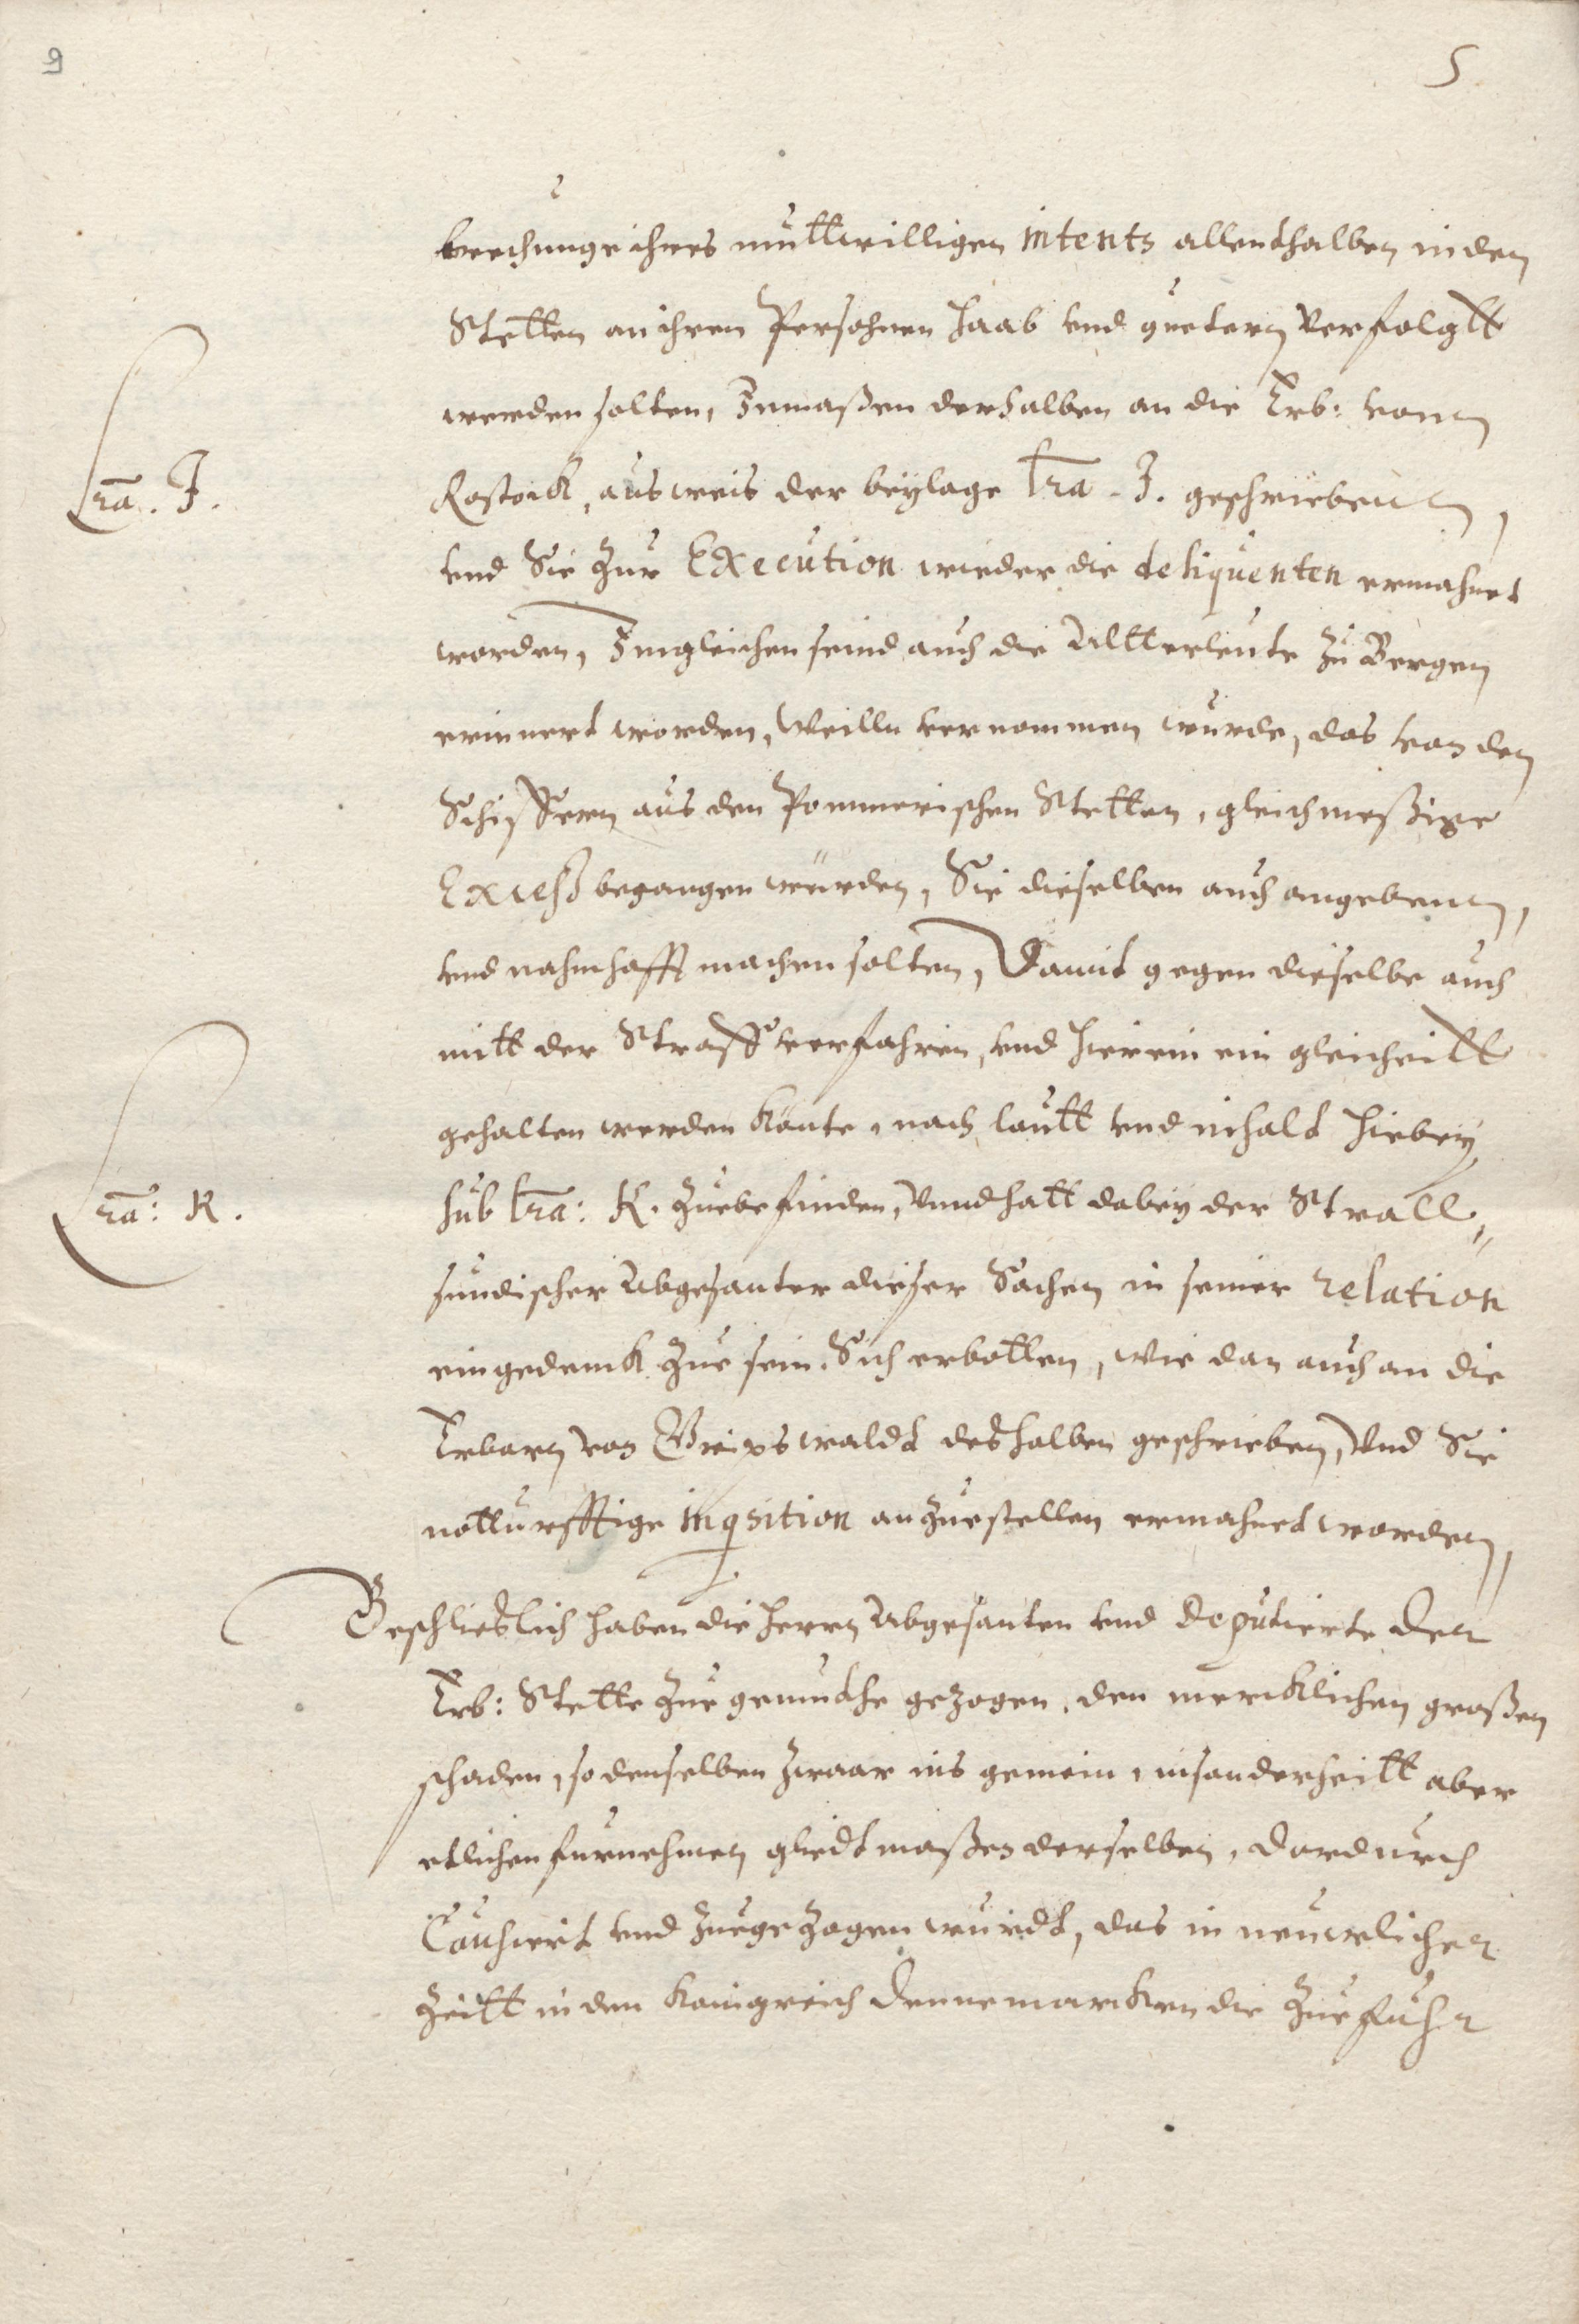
5
brechunge ihres muttwilligen intents allenthalben in den
Stetten an ihren Persohnen haab vnd guetern verfolgtt
werden solten, Inmaßen derhalben an die Erb: vonn
Rostock, ausweis der beijlage littera I. geschriebenn,
vnd Sie zur Execution wieder die deliquenten ermahnet
worden, Imgleichen seind auch die Altterleute zu Bergen
erinnert worden, Weilln vernommen wurde, das von den
Schiffern aus den Pommerischen Stetten, gleichmeßige
Excess begangen würden, Sie dieselben auch angebenn,
vnd nahmhafft machen solten, Damit gegen dieselbe auch
mitt der straff verfahren, vnd hierein ein gleicheitt
gehalten werden könte, nach lautt vnd inhalt hiebeij
sub littera K. zuebefinden, vnnd hatt dabeij der Strall¬
sundischer Abgesanter dieser Sachen in seiner relation
eingedenck zue sein. Sich erbotten, wie dan auch an die
Erbarn von Gripswaldt deshalben geschrieben, Vnd Sie
notturfftige inquisition anzuestellen ermahnet worden,
Littera I.
Littera K.
Beschlieslich haben die herrn Abgesanten vnd Deputierte der
Erb: Stette zue gemuthe gezogen, der mercklichen großen
schaden, so denselben zwaar ins gemein, insonderheitt aber
etlichen furnehmen gliedtmaßen derselben, dardurch
Causiert vnd zuegezogen wurdt, das in neuwlicher
zeitt in den konigreich Dennemarcken der zuefuhr
